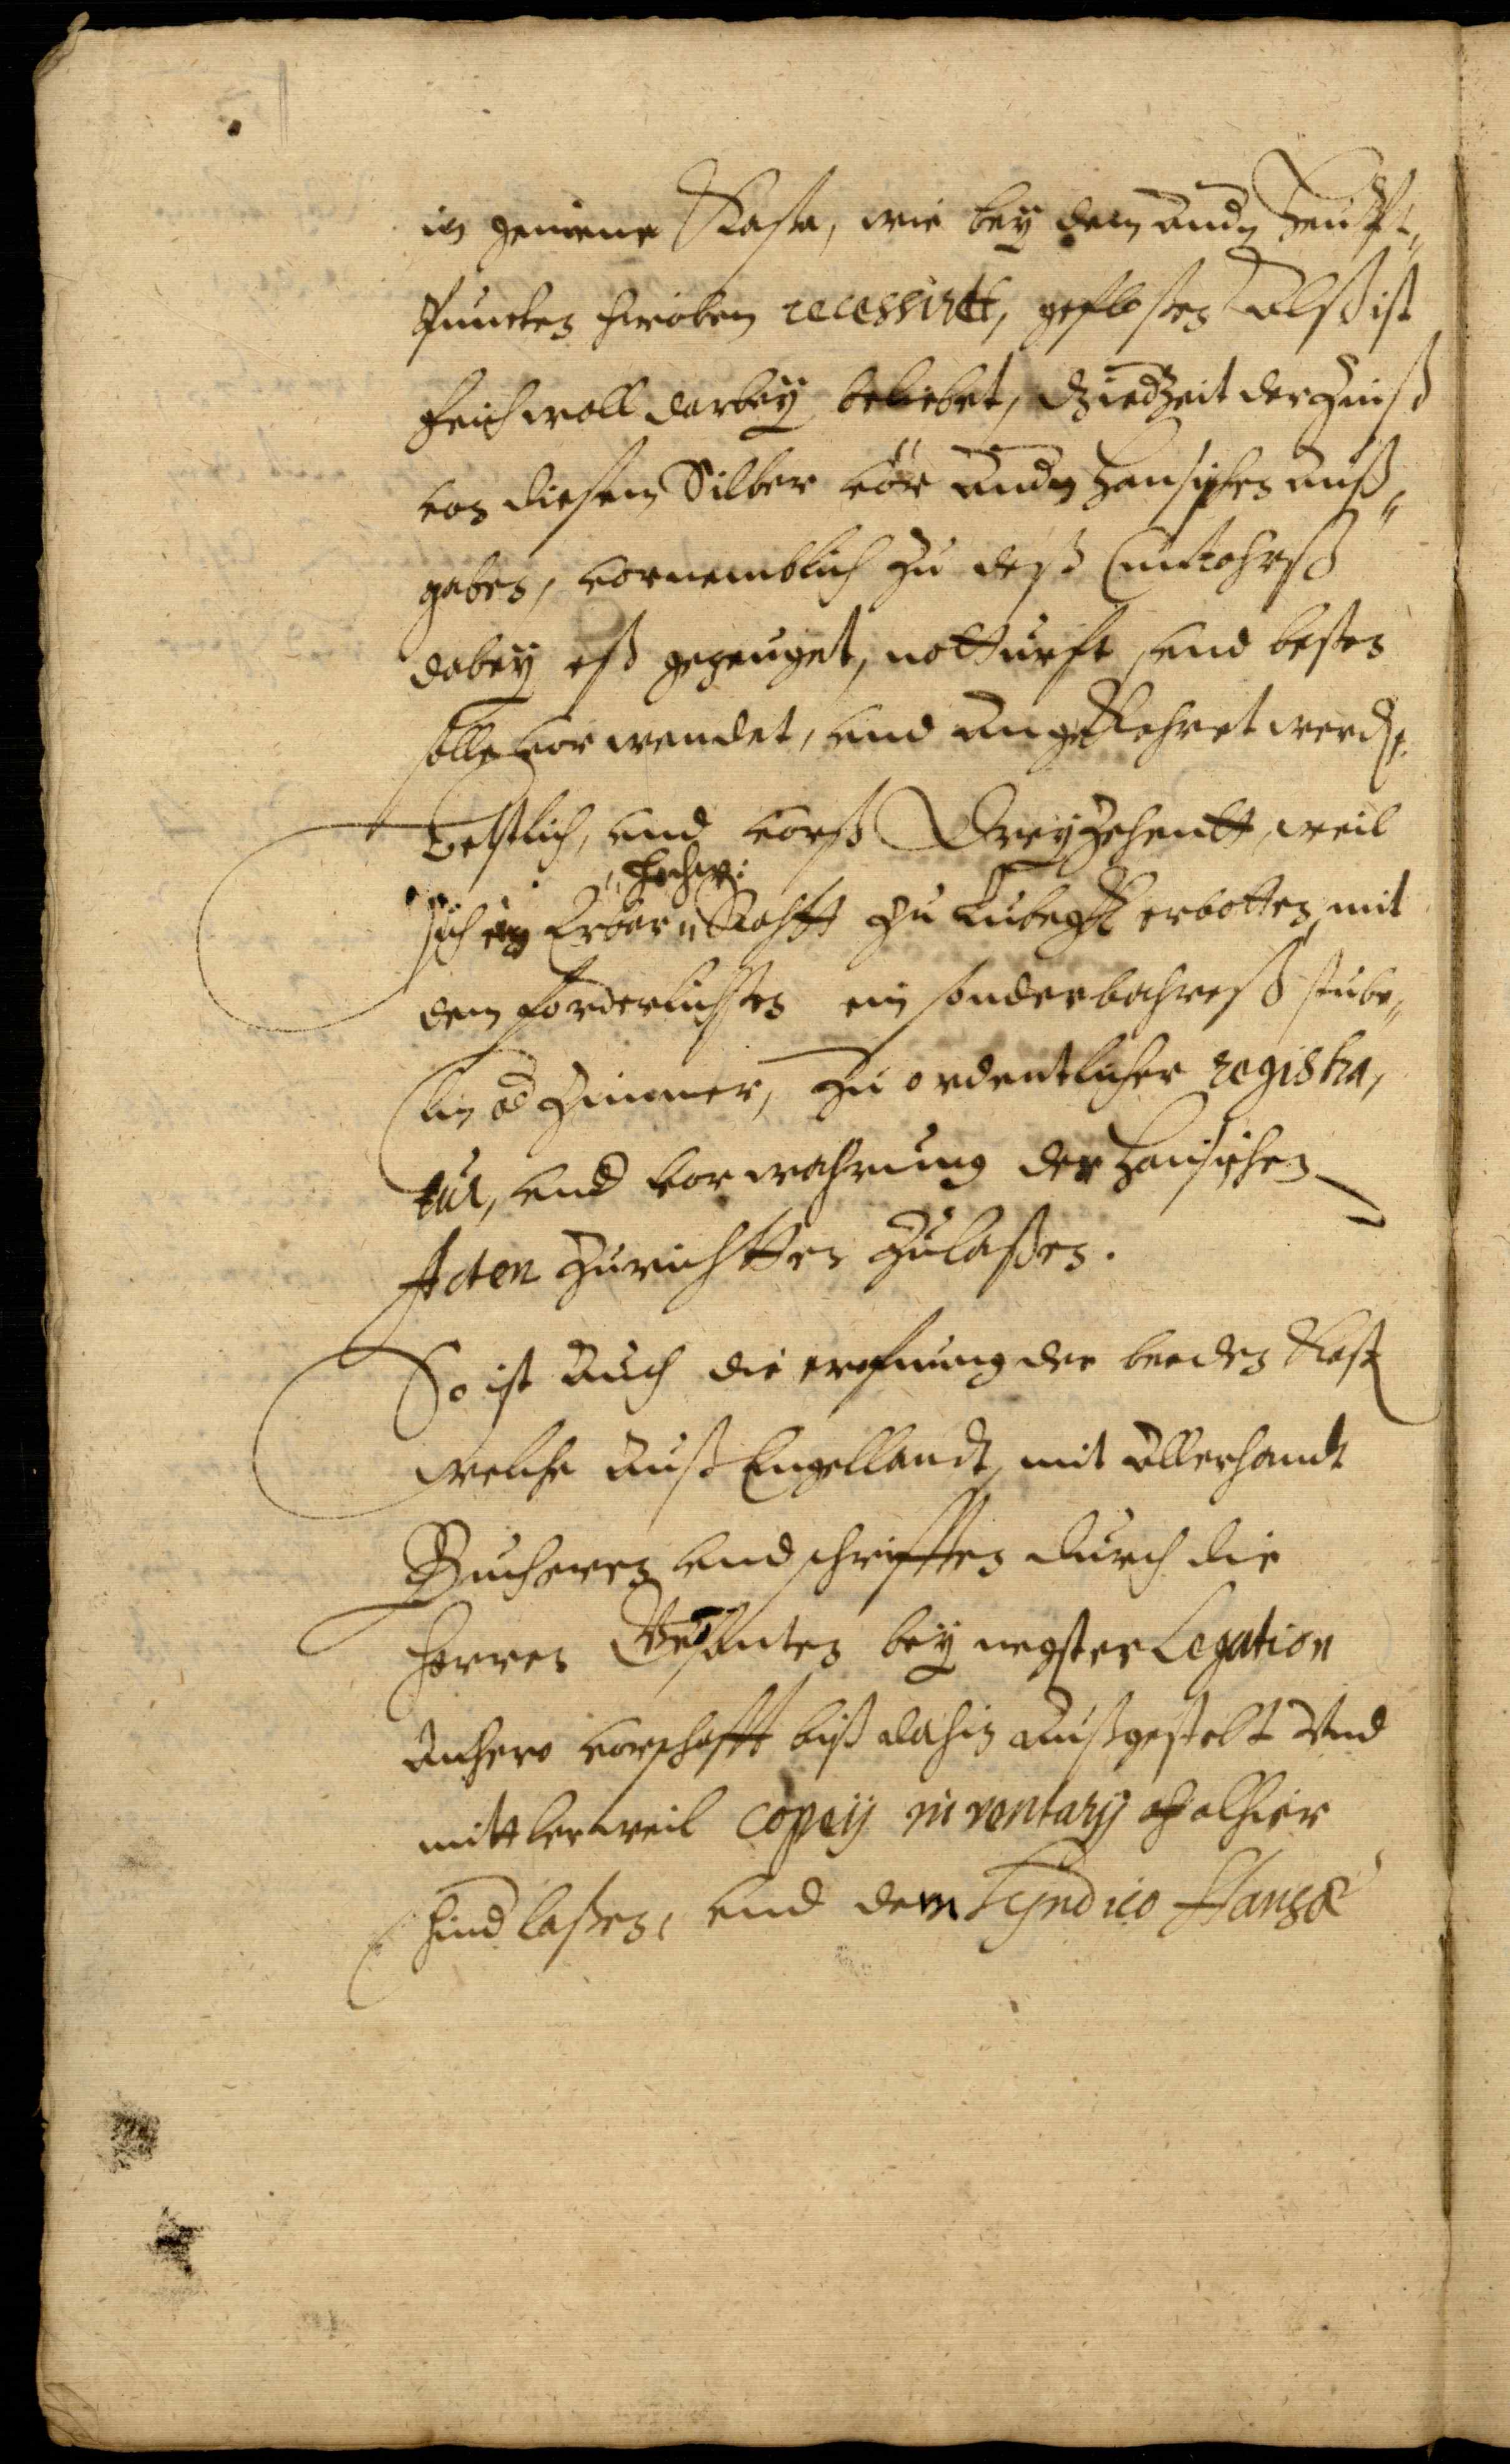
in gemeine Kaßa, wie beij den andern Haupt¬
puncten hiroben recessiret, gefloßen Alß ist
gleichwoll darbeij beliebet, das iederzeit der zinß
von diesem Silber vör Andern Hansischen Auß¬
gaben, vornemblich zu deß Cuntohrß
dabeij eß gezeuget, notturft, vnd besten
solle vorwendet,vnd Angekahret werden
Letstlich, vnd vorß Dreijzehentt, weil
Sich ein Erbar hochw. Rahtt zu Lubegk erbotten, mit
dem forderlichsten ein sonderbahreß stube¬
lin oder zimmer, zu ordentlicher registra¬
tur, vnd vorwahrung der Hansischen
Acten zurichtten zulaßen.
So ist auch die rechnung der beeden Kasten
welche Auß Engellandt mit Allerhandt
Bucheren vnd schrifften durch die
herrn Gesanten beij negster Legation
Anhero vorschafft biß dahin Außgestelt vnd
mittlerweil copeij inventarij ah alhier
hinder laßen, vnd dem Syndico Hansae
